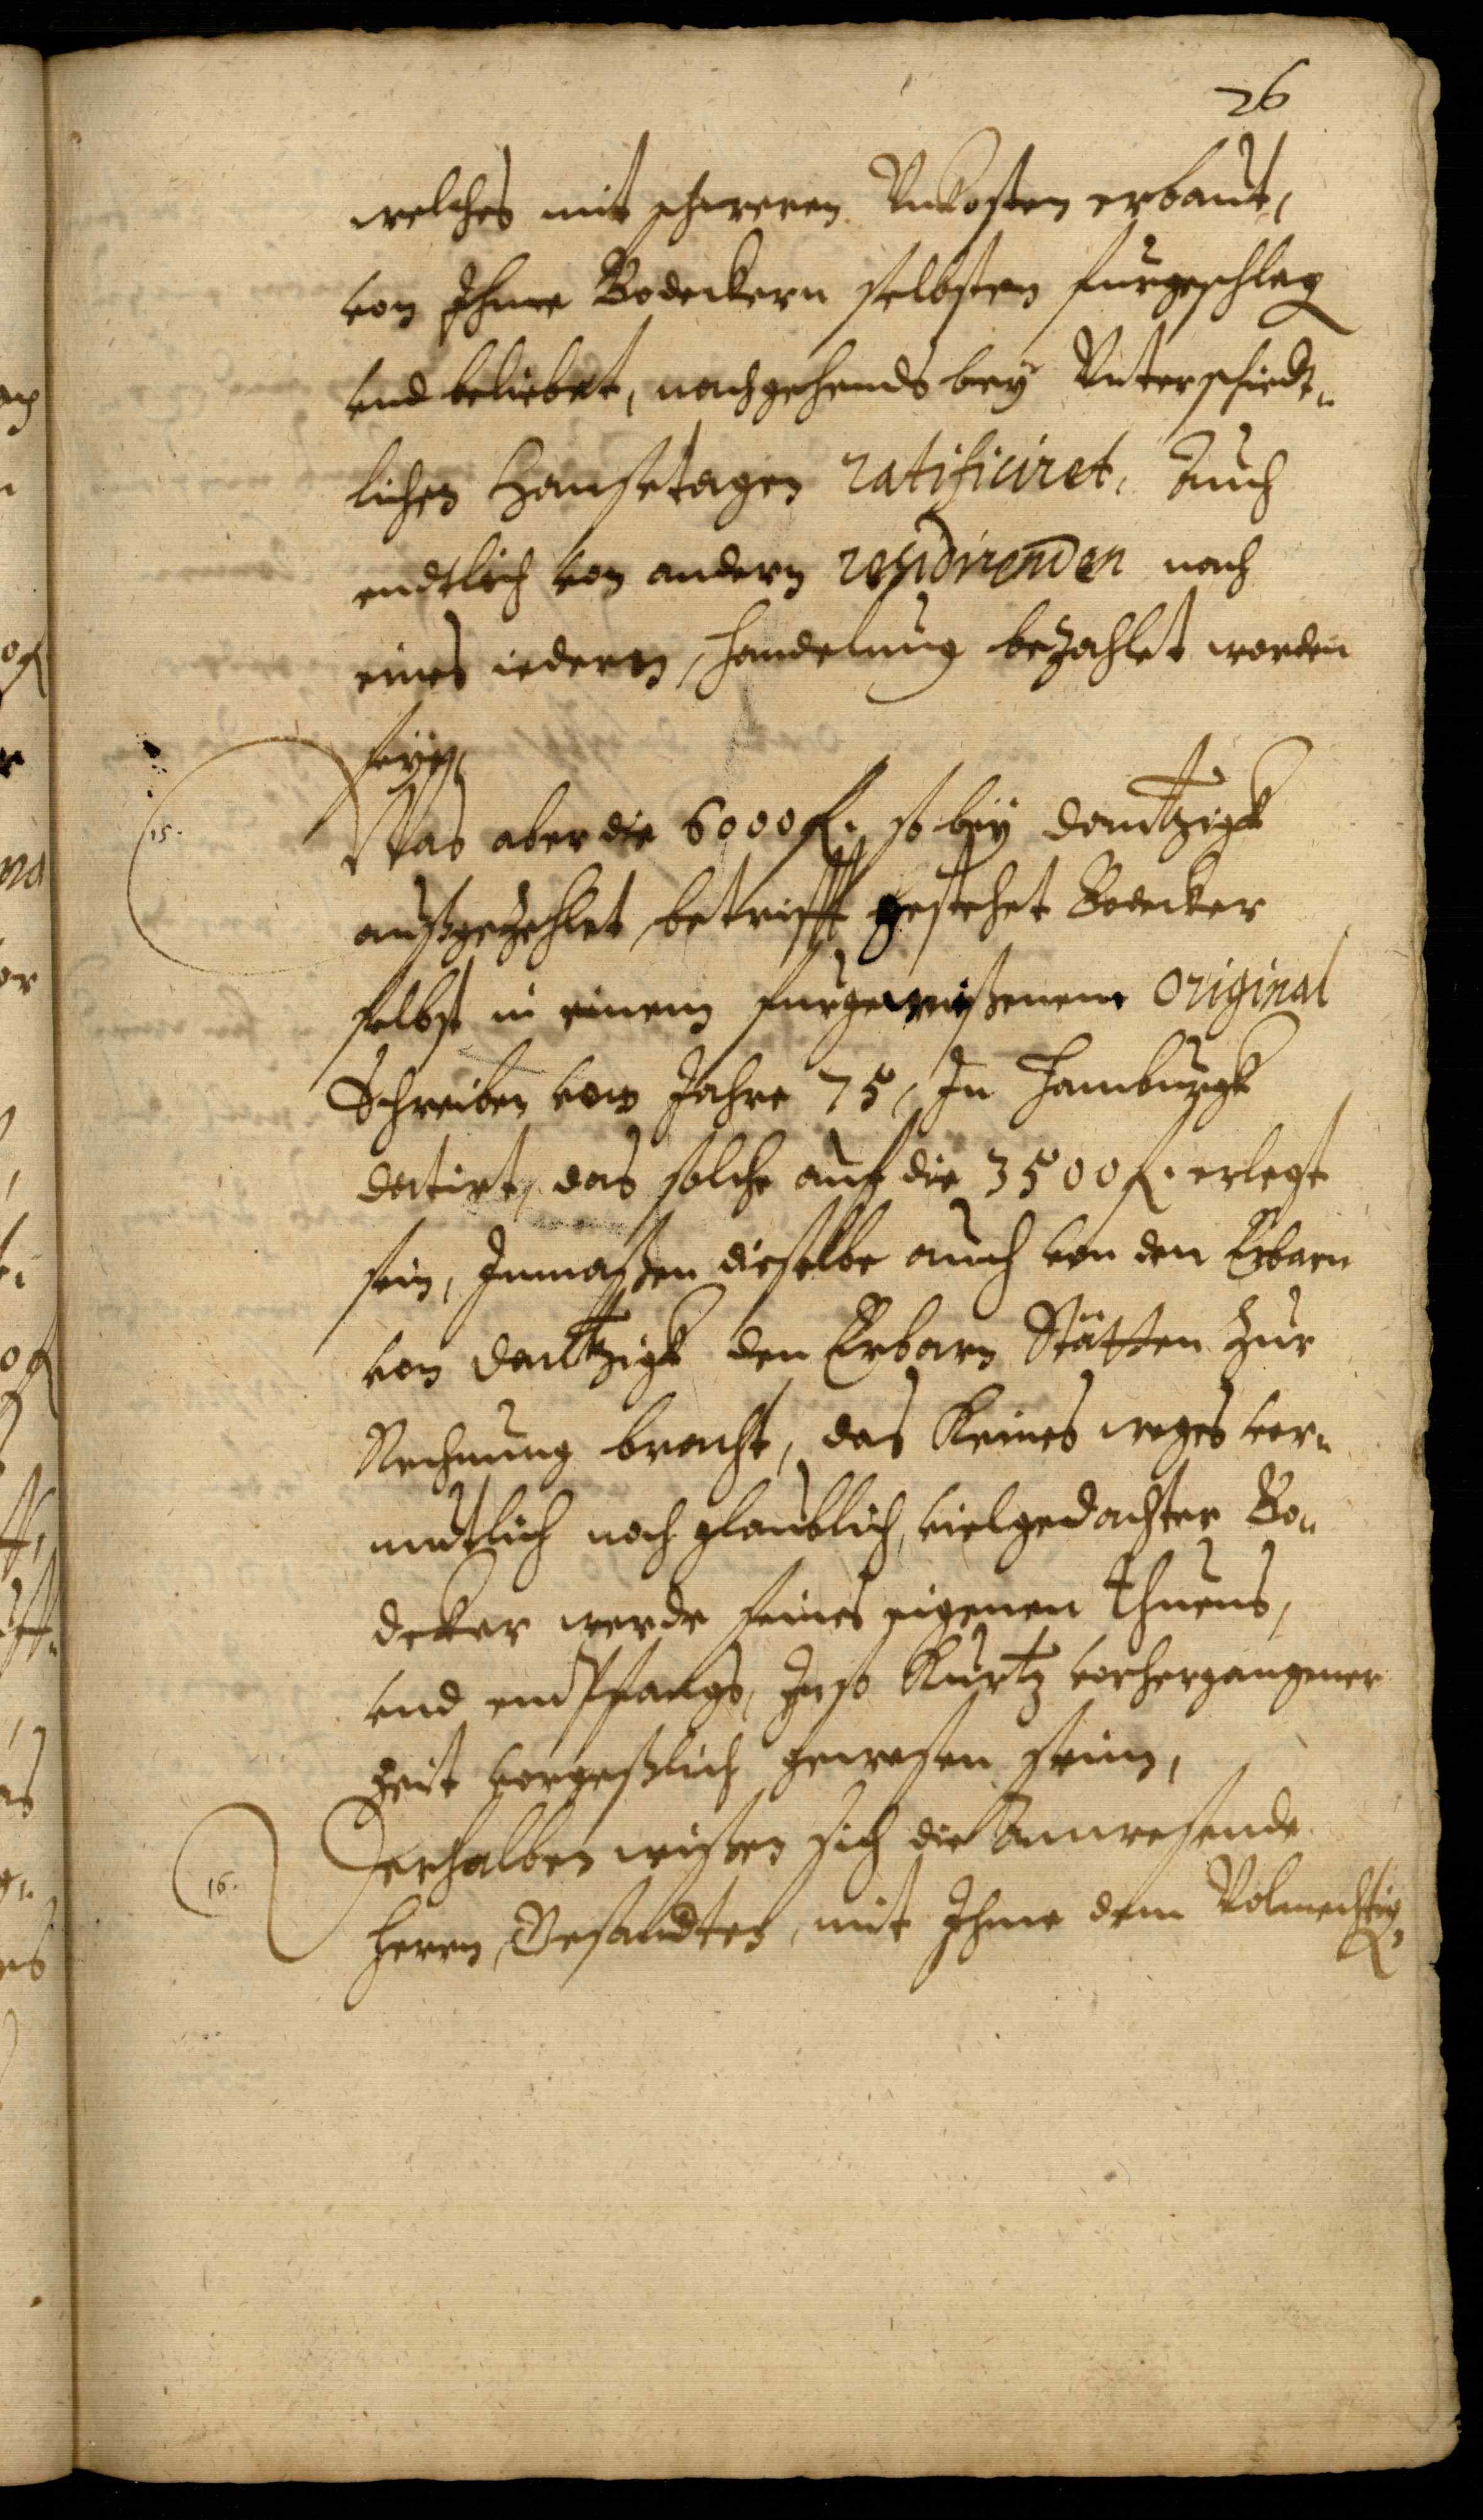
26
15.
welches mit schweren Vnkosten erbaut,
von Ihme Bodeckern selbsten furgeschlagen
vnd beliebet, nachgehends beij Vnterschiedt¬
lichen Hansetagen ratificiret, Auch
endtlich von andern residirenden nach
eines iedern, handlung bezahlet worden
seijn,
Was aber die 6000 f., so beij dantzigk
außgezehlet, betrifft gestehet Bodecker
selbst in einem furgewießenem original
schreiben vom Jahre 75, In Hamburgk
datirt, das solche auf die 3500 f. erlegt
sein, Inmaßen dieselbe auch von den Erbarn
von dantzigk den Erbarn Stätten zur
Rechnung bracht, das keines weges vor¬
mutlich noch glaublich, vielgedachter Bo¬
decker werde seines eigenen thuens,
vnd empfangs, In so Kurtz vorhergangener
zeit vorgeßlich geweßen seinn,
Derhalben wißen sich die Anwesende
herrn, Gesandten, mit Ihme dem Wolmechtigen
16.
